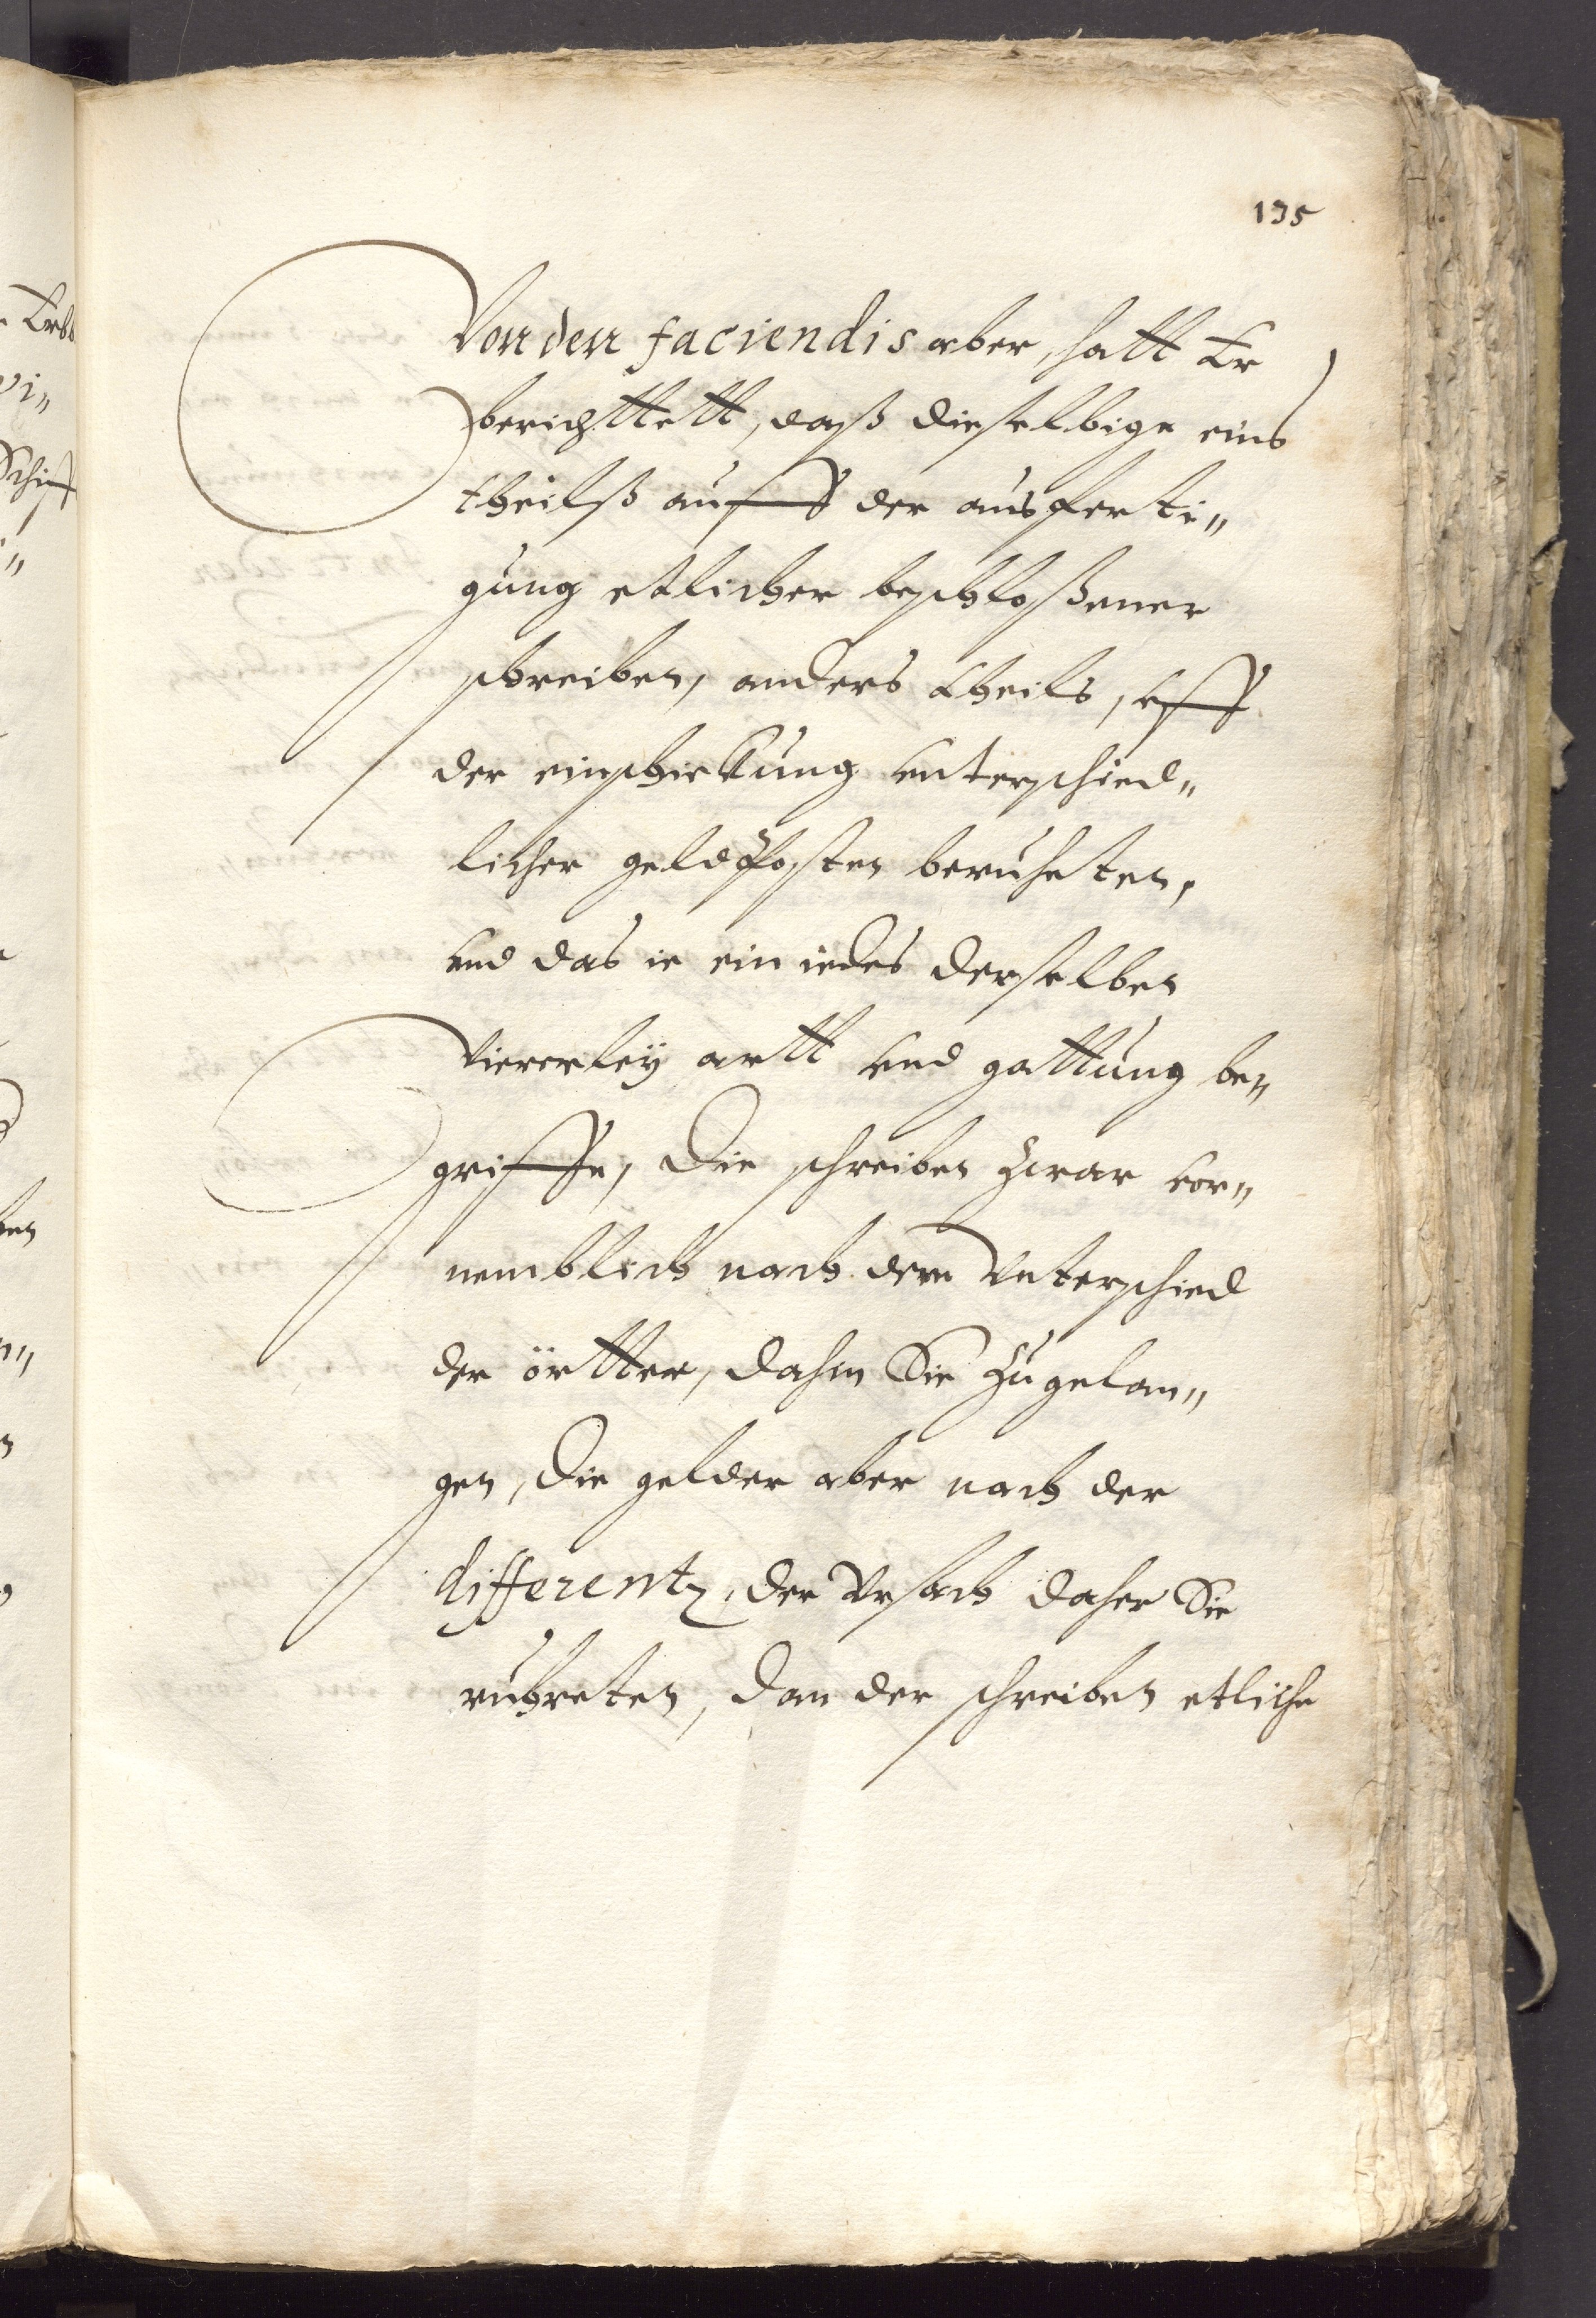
135
Von den faciendis aber, hatt Er
berichttett, daß dieselbige eins
theilß auff der ausferti¬
gung etlicher beschloßener
schreiben, anders theils, vff
der einschickung vnterschied¬
licher geldposten beruheten,
vnd das ie ein indes derselben
viererleij artt vnd gattung be¬
griffe, die schreiben zwar vor¬
nemblich nach dem vnterschied
der örtter, dahin Sie zu gelan¬
gen, die gelder aber nach den
differentz, der vrsach daher Sie
ruhreten, dan der schreiben etliche
